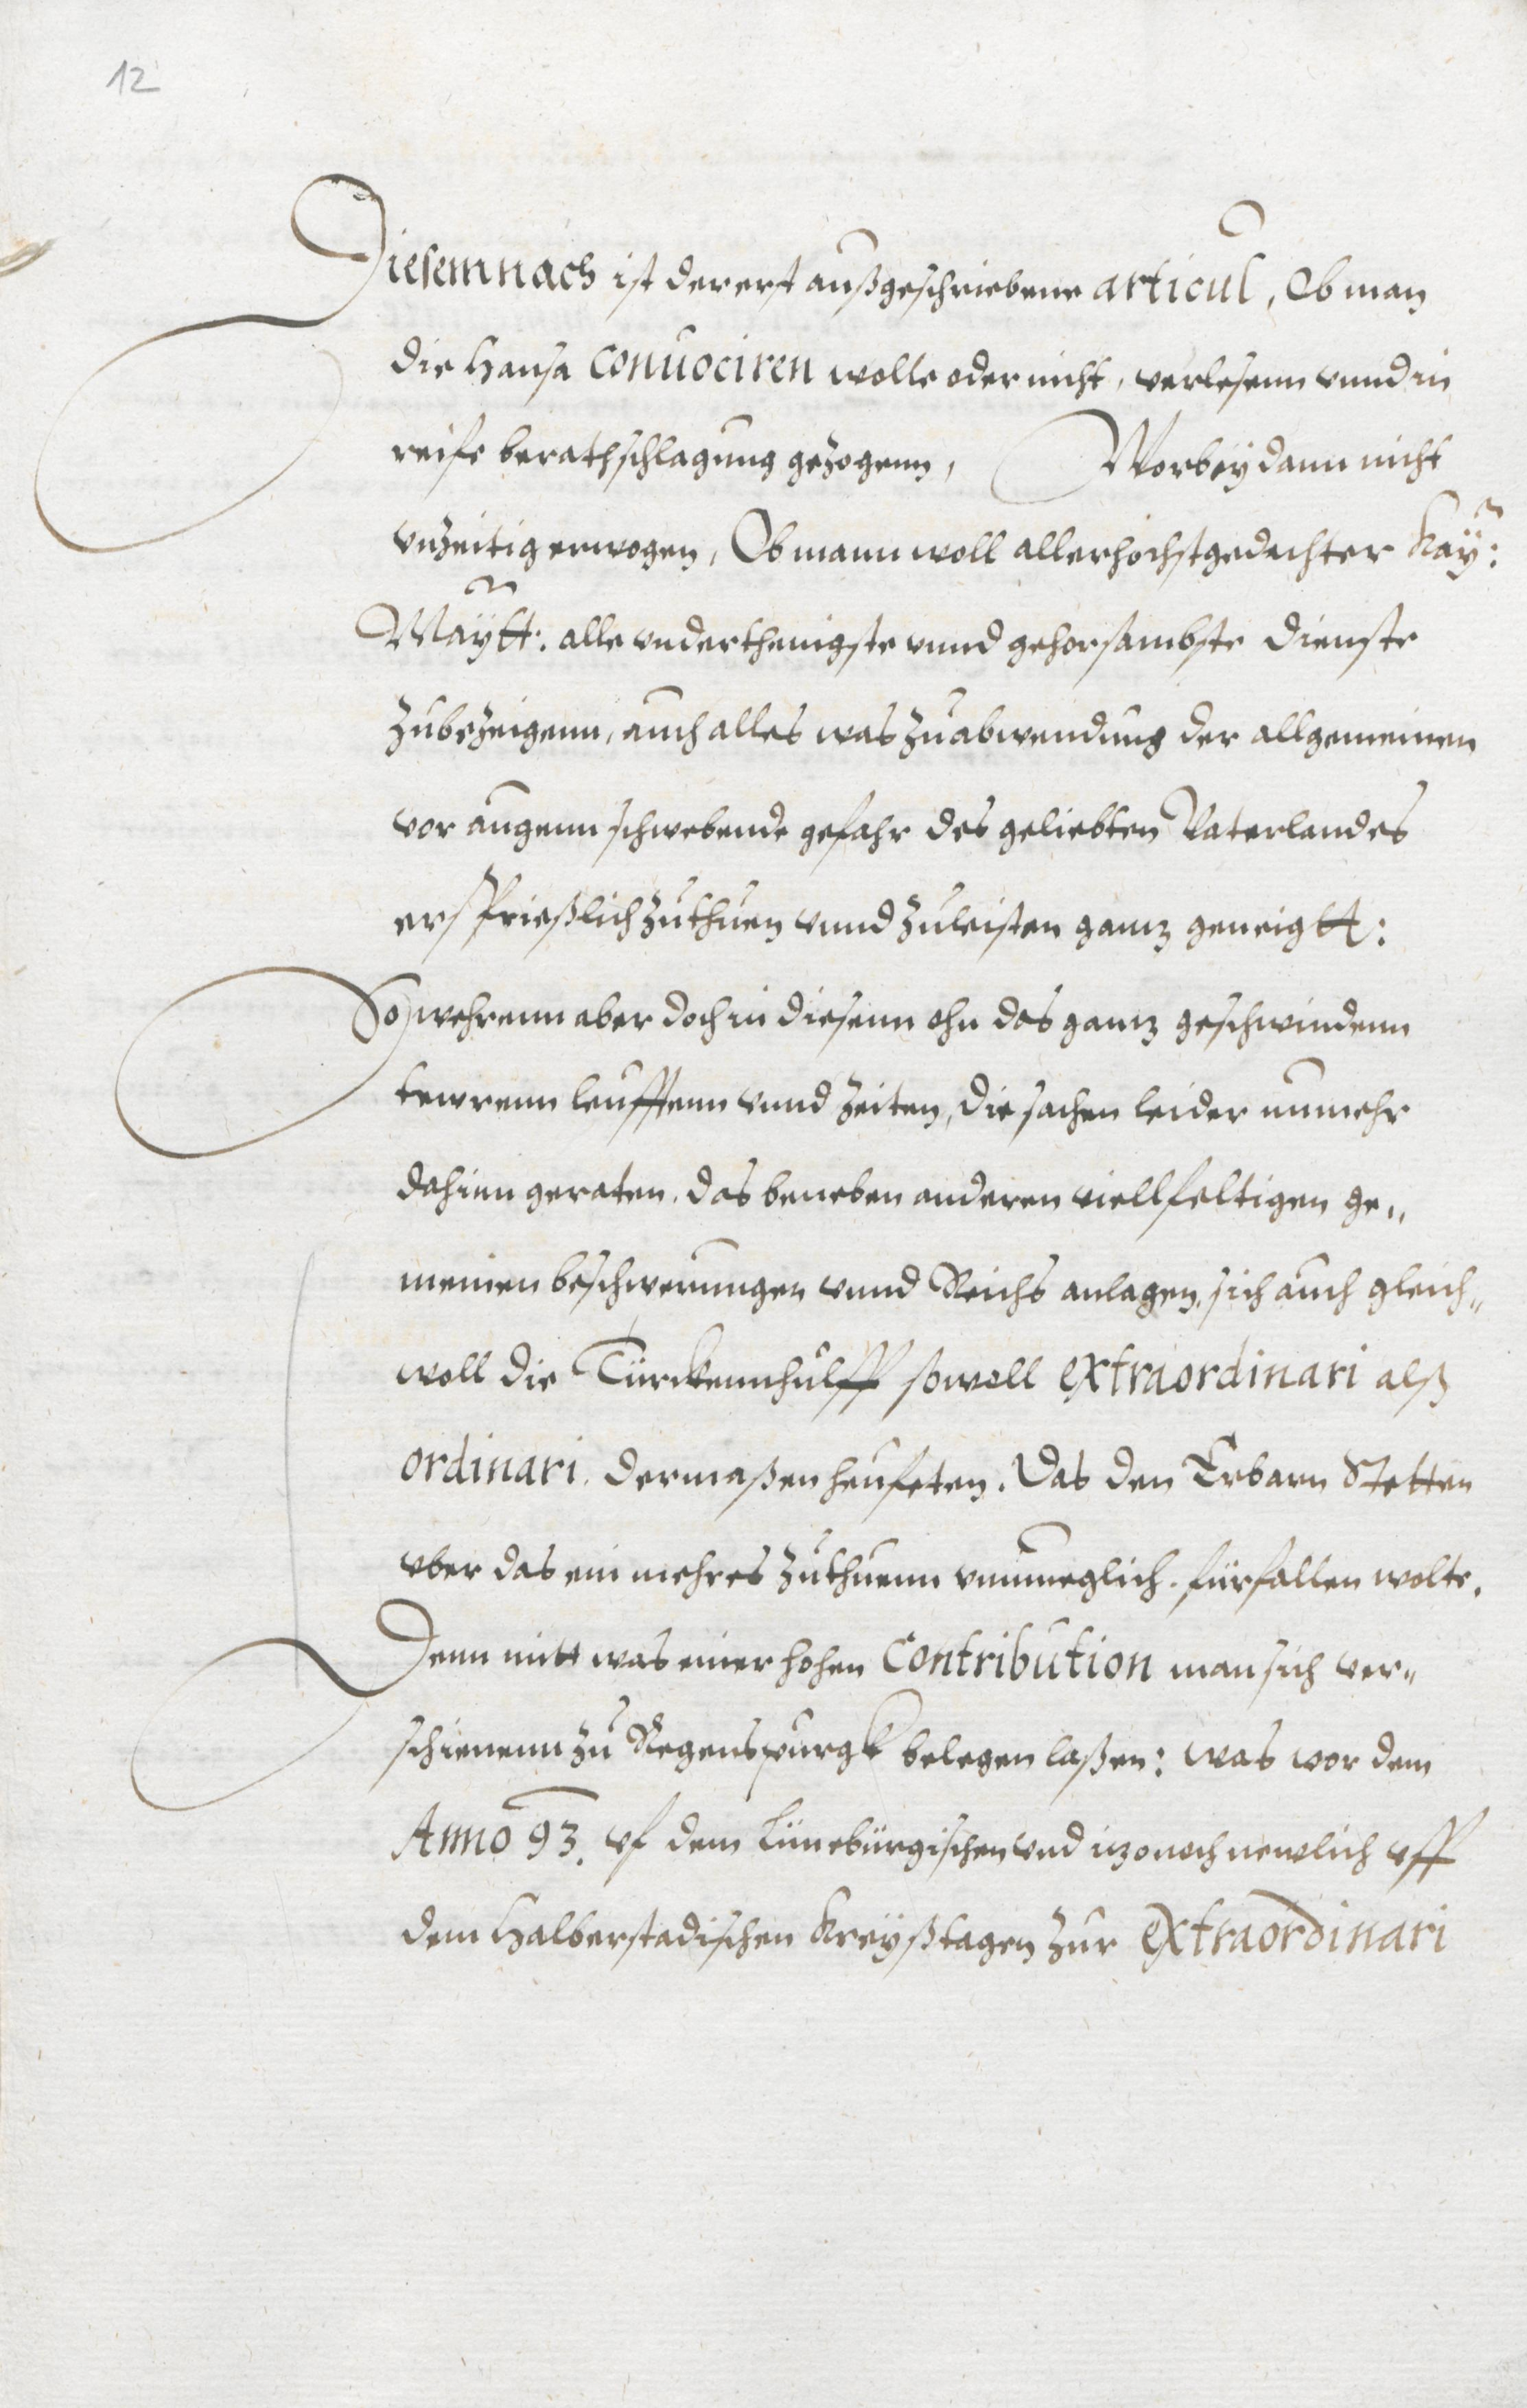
Diesem nach ist der rest außgeschriebenn articul, ob man
die Hansa conuociren wolte oder nicht, verlesenn vnnd in
reife berathschlagung gezogenn, Worbeij dann nicht
vnzeitig erwogen, Ob mann woll allerhochstgedechter Kaij:
Maijtt: alle vnderthenigste vnnd gehorsambste dienste
zubezeigenn, auch alles was zuabwendung der allgemeinen
vor augenn schwebende gefahr des geliebten Vaterlandes
ersprießlich zuthuen vnnd zuleisten ganz geneigtt:
So wehrenn aber doch in diesenn ohn das ganz geschwindenn
tewrenn leufftenn vnnd zeitenn, die sachen leider numehr
dahinn geraten, das beneben anderen viellfeltigen ge¬
meinen beschwerungen vnnd Reichs anlagen, sich auch gleich¬
woll die Türkennhulff sowoll extraordinari alß
ordinari dermaßen heufeten, das den Erbarn Stetten
vber das ein mehres zuthuenn vnmueglich fürfalten wolte,
Denn mitt was einer hohen contribution man sich ver¬
schienenn zu Regenspurgk belegen laßen: was vor dem
Anno 93. vf dem Lünebürgischen vnd itzo nach nemlich uff
den Halberstadischen kreijßtagen zur extraordinari
